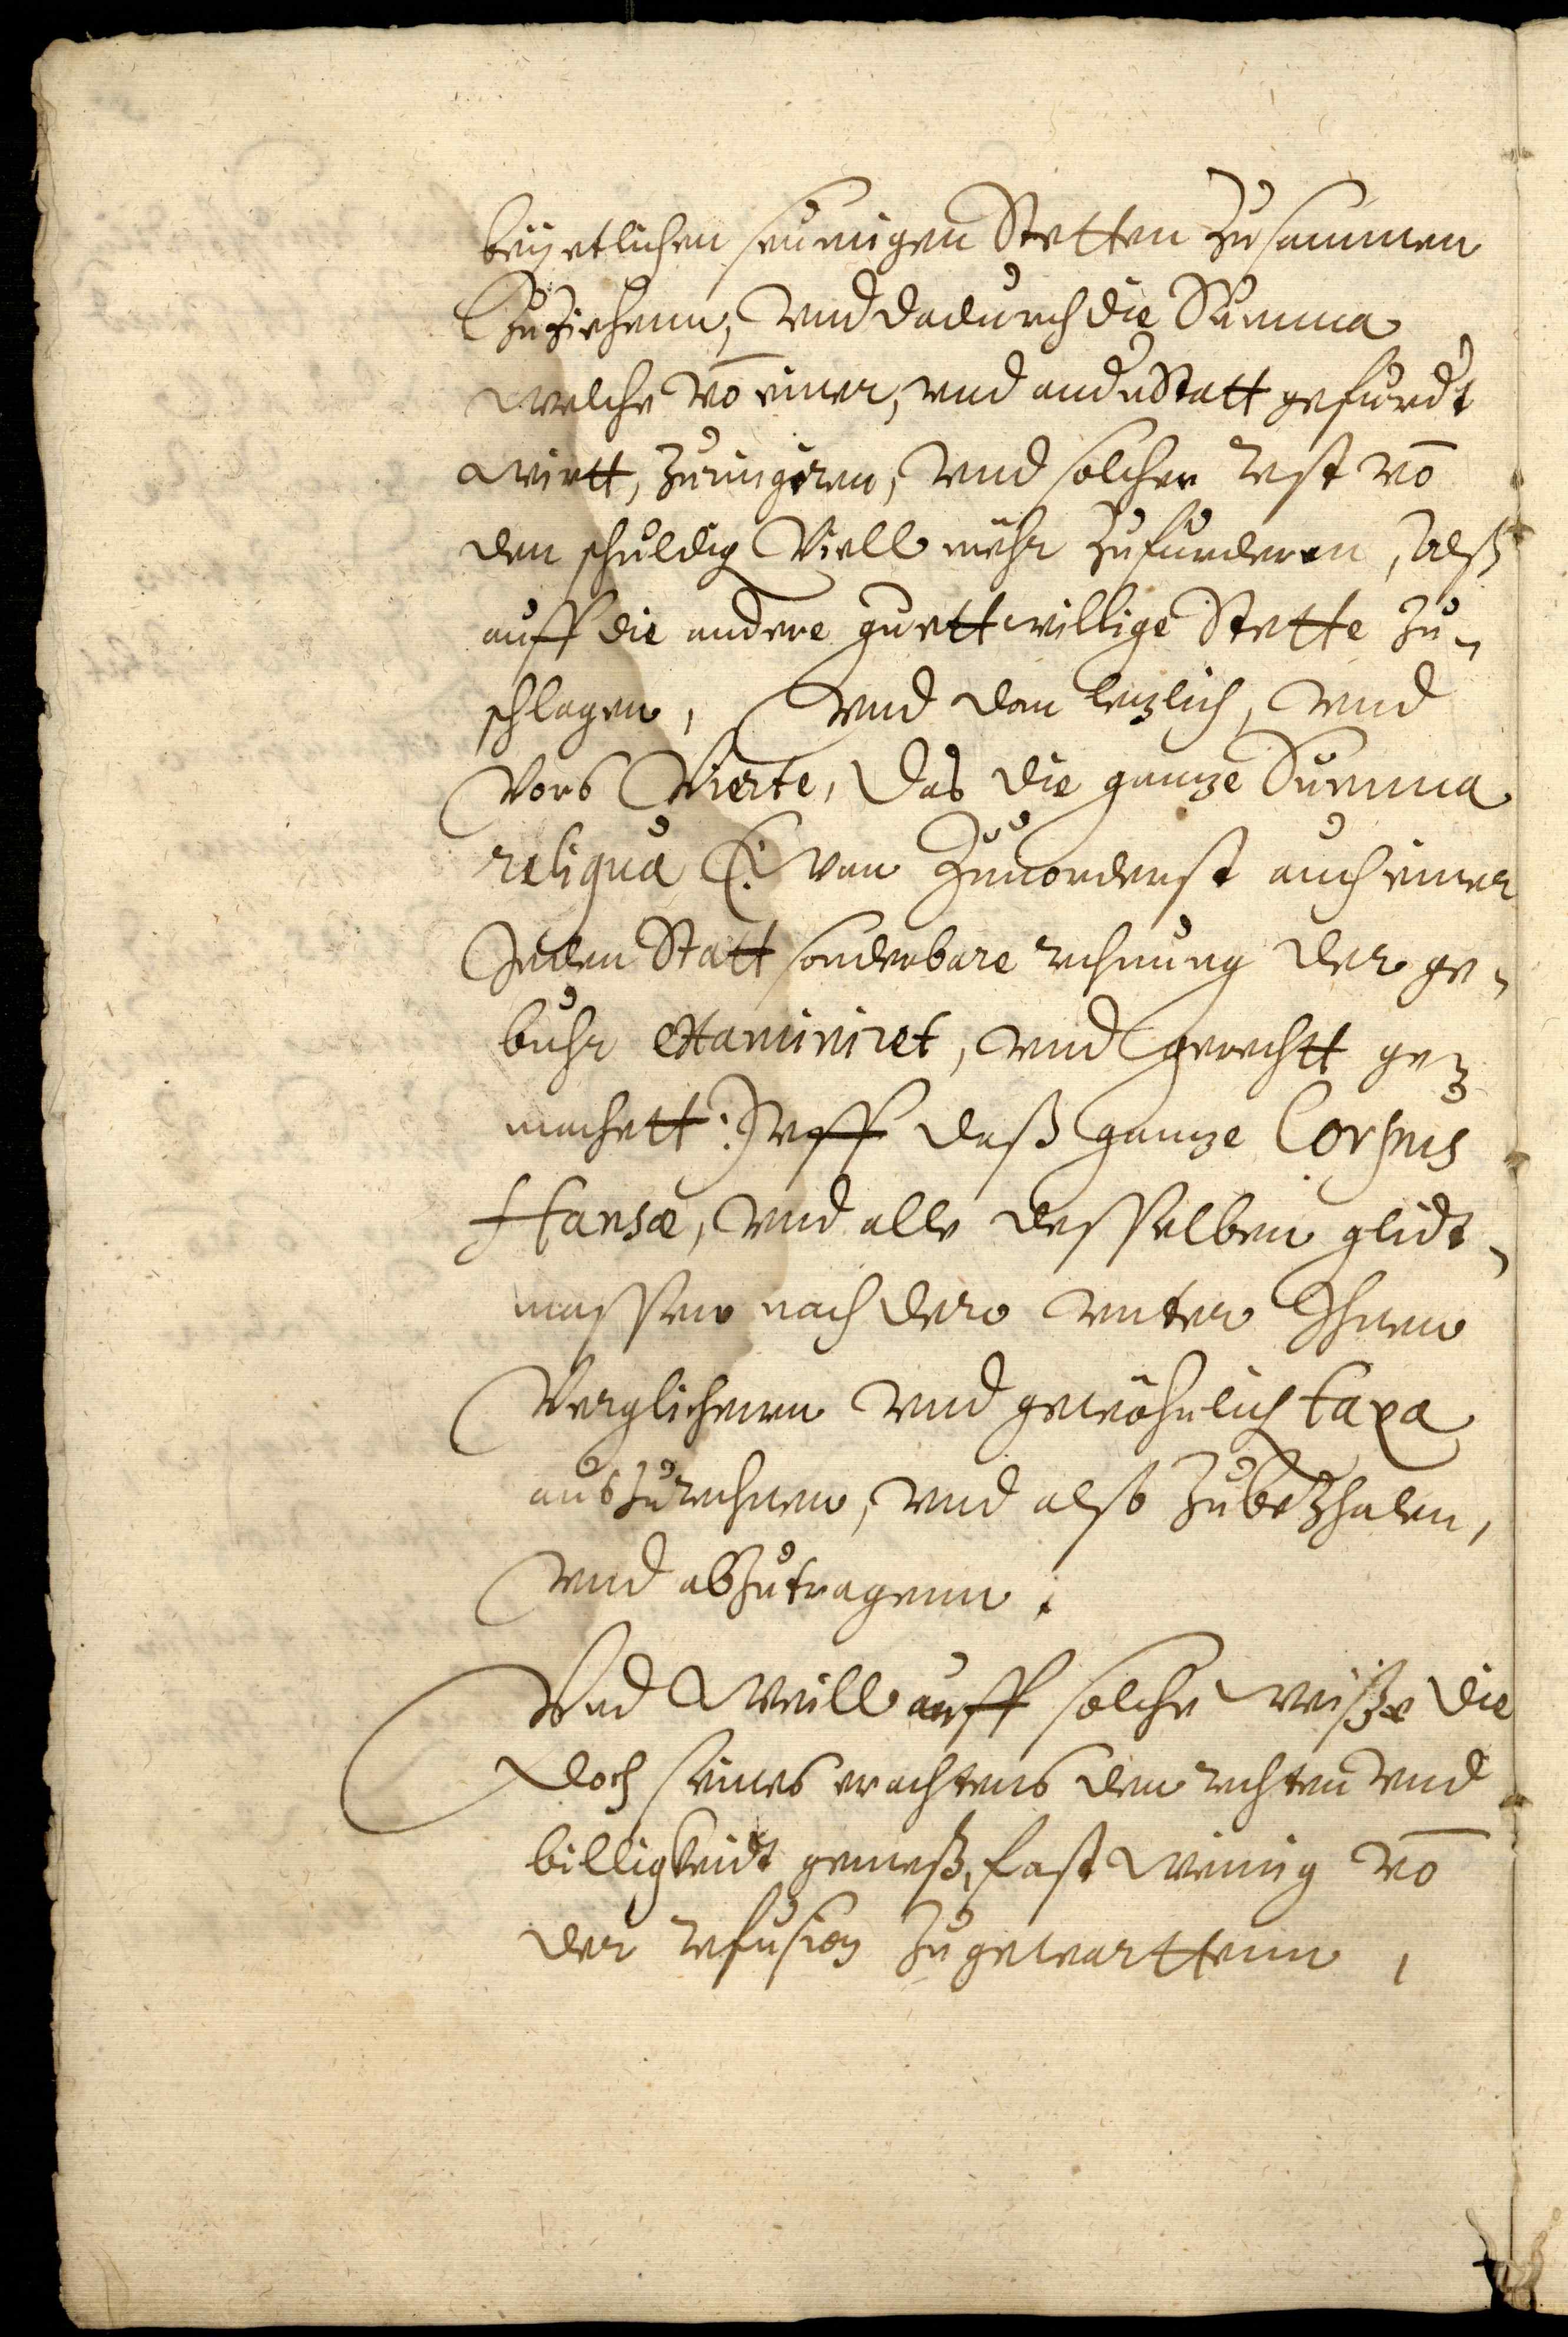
beij etlichen seumigen Stetten Zusammen
zuziehenn, Vnd dadurch die Summa
welche von einer, vnd andern Statt gefurderdt
wirtt, Zuringiren, vnd solchen rest von
den schuldigen Viell mehr Zu furdern, Alß
auff die andere guettwillige Stette Zu¬
schlagen,vnd dan letzlich, vnd
vors Vierte, Das die ganze Summa
religua (: van Zuuorderst auch einer
jeden Statt sonderbare rechnung dero ge¬
buhr examiniret,vnd gerechtt ge¬
machet :) Vff daß ganze Corpus
Hansae, vnd alls desselben glidt¬
massen nach dero vnter Ihnen
Verglichenen vnd gewöhnlichen taxa
aus zu rechnen, vnd also zu bezhalen,
vnd abzutragenn.
Vnd weill auff solche weiße die
doch seines erachtens dem rechten vnd
billigkeidt gemeß, fast weinig von
der refusion Zu gewarttenn,
